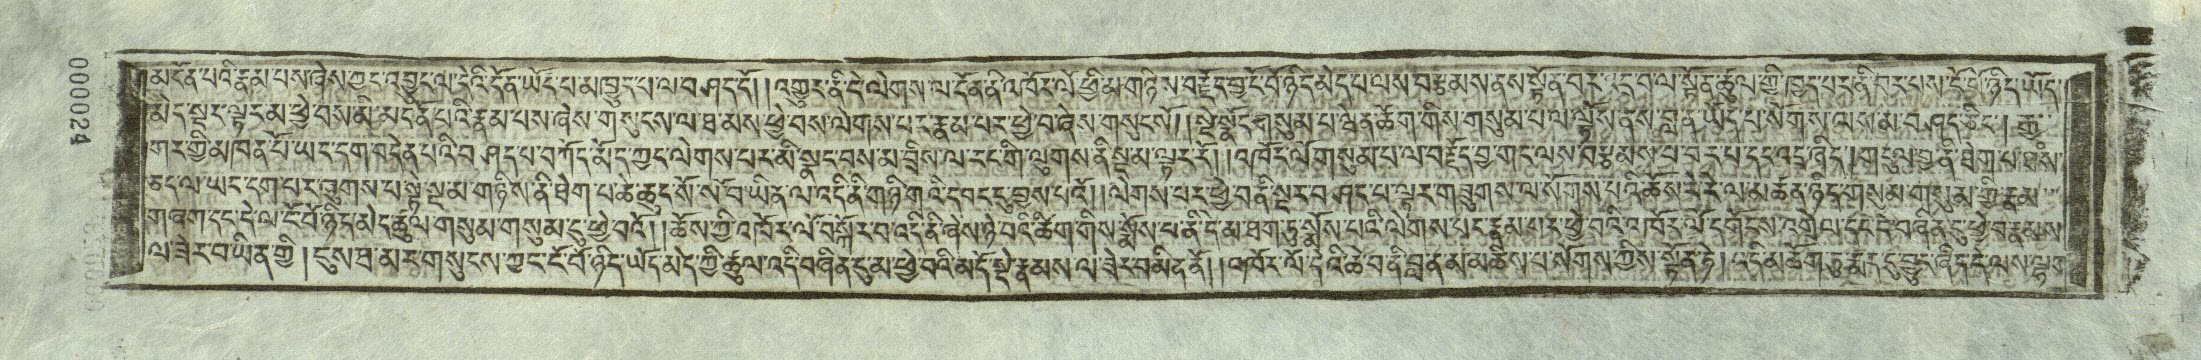མངོན་པའི་རྣམ་པས་ཞེས་ཀྱང་འབྱུང་ལ་དེའི་དོན་ཡོད་པ་མཁྱུད་པ་ལ་བཤད་དོ། །འགྱུར་ནི་དེ་ལེགས་ལ་དོན་ནི་འཁོར་ལོ་ཕྱི་མ་གཉིས་བརྗོད་བྱ་ངོ་བོ་ཉིད་མེད་པ་ལས་བརྩམས་ནས་སྟོན་པར་འདྲ་བ་ལ་སྟོན་ཚུལ་གྱི་ཁྱད་པར་ནི་བར་པས་ངོ་བོ་ཉིད་ཡོད་
མེད་སྔར་ལྟར་མ་ཕྱེ་བས་མི་མངོན་པའི་རྣམ་པས་ཞེས་གསུངས་ལ་ཐ་མས་ཕྱེ་བས་ལེགས་པར་རྣམ་པར་ཕྱེ་བ་ཞེས་གསུངས་སོ། །སྡེ་སྣོད་གསུམ་པ་ཝེན་ཚེག་གིས་གསུམ་པ་ལ་ལྟེས་ནས་བླ་ན་ཡོད་པ་སོགས་ལས་མ་བཤད་ཅིང་། རྒྱ་
གར་གྱི་མཁན་པོ་ཡང་དག་བདེན་པའི་བཤད་པ་བཀོད་མོད་ཀྱང་ལེགས་པར་མི་སྣང་བས་མ་བྲིས་ལ་རང་གི་ལུགས་ནི་སྔ་མ་ལྟར་རོ། །འཁོར་ལོ་གསུམ་པ་ལ་བརྗོད་བྱ་གང་ལས་བརྩམས་པ་བར་པ་དང་འདྲ་ཞིང་། གདུལ་བྱ་ནི་ཐེག་པ་ཐམས་
ཅད་ལ་ཡང་དག་པར་ཞུགས་པ་སྟེ་སྔ་མ་གཉིས་ནི་ཐེག་པ་ཆེ་ཆུང་སོ་སོ་བ་ཡིན་ལ་འདི་ནི་གཉི་གའི་དབང་དུ་བྱས་པའོ། །ལེགས་པར་ཕྱེ་བ་ནི་སྔར་བཤད་པ་ལྟར་གཟུགས་ལ་སོགས་པའི་ཆོས་རེ་རེ་ལ་མཚན་ཉིད་གསུམ་གསུམ་གྱི་རྣམ་
གཞག་དང་དེ་ལ་ངོ་བོ་ཉིད་མེད་ཚུལ་གསུམ་གསུམ་དུ་ཕྱེ་བའོ། །ཆོས་ཀྱི་འཁོར་ལོ་བསྐོར་བ་འདི་ནི་ཞེས་ཉེ་བའི་ཚིག་གིས་སྨོས་པ་ནི་དེ་མ་ཐག་ཏུ་སྨོས་པའི་ལེགས་པར་རྣམ་པར་ཕྱེ་བའི་འཁོར་ལོ་དགོངས་འགྲེལ་དང་དེ་བཞིན་དུ་ཕྱེ་བ་རྣམས་
ལ་ཟེར་བ་ཡིན་གྱི། དུས་ཐ་མར་གསུངས་ཀྱང་ངོ་བོ་ཉིད་ཡོད་མེད་ཀྱི་ཚུལ་འདི་བཞིན་དུ་མ་ཕྱེ་བའི་མདོ་སྡེ་རྣམས་ལ་ཟེར་བ་མིན་ནོ། །འཁོར་ལོ་དེའི་ཆེ་བ་ནི་བླ་ན་མ་མཆིས་པ་སོགས་ཀྱིས་སྟོན་ཏེ། འདི་མཆོག་ཏུ་རྨད་དུ་བྱུང་ཞིང་དེ་ལས་ལྷག་